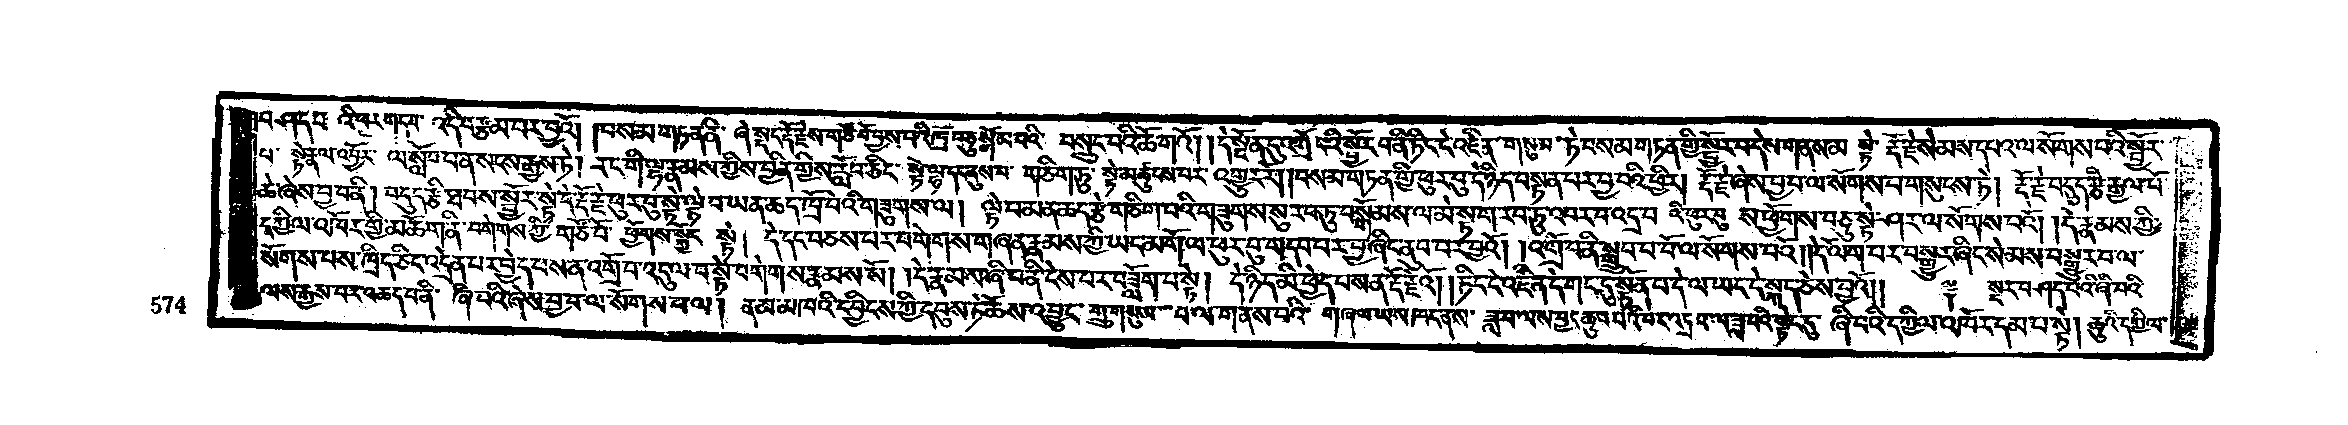བཤད་པའི་ཕར་གདབ?་འདི་བརྩམ་པར་བྱའོ། །བསམ་གཏན་ནི་ཞེ་སྡང་རྡོ་རྗེས་གཙོ་བོ་བྱས་པའི་ཁྲོ་བཅུ་སྒོམ་པའི་བསྲུང་བའི་ཆོ་གའོ། །དེ་སྔོན་དུ་འགྲོ་བའི་སྦྱོར་བ་ནི་ཏིང་ངེ་འཛིན་གསུམ་ཏེ་བསམ་གཏན་གྱི་སྦྱོར་བ་དེས་གནས་ན་སྟེ་རྡོ་རྗེ་སེམས་དཔའ་ལ་སོགས་པའི་སྦྱོར་
བ་སྟེ་རྣལ་འབྱོར་ལ་སློབ་པ་ན་སངས་རྒྱས་ཏེ། རང་གི་ལྷ་རྣམས་ཀྱིས་བྱིན་གྱིས་རློབ་ཅིང་སྟེ་ལྟ་དང་ནུས་པ་གཅིག་ཏུ་སྟེ་མཚུངས་པར་འགྱུར་རོ། །བསམ་གཏན་གྱི་ཕུར་བུ་དེ་ཉིད་བསྟན་པར་བྱ་བའི་ཕྱིར། རྡོ་རྗེ་ཞེས་བྱ་བ་ལ་སོགས་པ་གསུངས་ཏེ། རྡོ་རྗེ་བདུད་རྩི་རྒྱལ་པོ་
ཆེ་ཞེས་བྱ་བ་ནི། བདུད་རྩི་ཐབས་སྦྱོར་སྟེ་དེ་རྡོ་རྗེ་ཕུར་བུ་སྟེ་ལྟེ་བ་ཡན་ཆད་ཁྲོ་བོའི་གཟུགས་ལ། ལྟེ་བ་མན་ཆད་རྩེ་གཅིག་པའི་གཟུགས་སུ་རབ་ཏུ་བསྒོམས་ལ་མེ་སྟག་རབ་ཏུ་འབར་བ་འདྲ་བའི་ཕུར་བུས་ཕྱོགས་བཅུ་སྟེ་ཤར་ལ་སོགས་པའོ། །དེ་རྣམས་ཀྱི་
དཀྱིལ་འཁོར་གྱི་མཆོག་ནི་བགེགས་ཀྱི་གཙོ་བོ་ཕྱོགས་སྐྱོང་སྟེ། དེ་དང་བཅས་པར་བགེགས་གཞན་རྣམས་ཀྱི་ཡང་མགོ་ལ་ཕུར་བུ་གདབ་པར་བྱ་ཞིང་ནུབ་པར་བྱའོ། །འགྲོ་བ་ནི་སྒྲུབ་པ་པོ་ལ་སོགས་པའོ། །དེ་ལོག་པར་བསྒྱུར་ཞིང་སེམས་བསྒྱུར་བ་ལ་
སོགས་པས་ཁྲིད་ཅིང་འདྲེན་པར་བྱེད་པས་ན་འགྲོ་བ་འདུལ་བ་སྟེ་བགེགས་རྣམས་སོ། །དེ་རྣམས་ཞི་བ་ནི་ངེས་པར་བཟློག་པ་སྟེ། དེ་ཉིད་མི་ཕྱེད་པས་ན་རྡོ་རྗེའོ། །ཏིང་ངེ་འཛིན་དེ་གང་དུ་སྟོན་པ་དེ་ལ་ཡང་དེ་སྐད་ཅེས་བྱའོ།། ༈ སྔར་བཤད་པའི་ཞི་བའི་
ལས་རྒྱས་པར་འཆད་པ་ནི། ཞི་བའི་ཞེས་བྱ་བ་ལ་སོགས་པ་ལ། ནམ་མཁའི་དབྱངས་ཀྱི་དབུས་ཏེ་ཆོས་འབྱུང་གྲུ་གསུམ་པ་ལ་གནས་པའི་གཞལ་ཡས་ཁང་ནས་ཟླ་བ་ལས་བྱང་ཆུབ་པའི་བར་འདྲ་བ་ལ་ཟླ་བའི་སྟེང་དུ་ཞི་བའི་དཀྱིལ་འཁོར་དམ་པ་སྟེ། ཆུའི་དཀྱིལ་